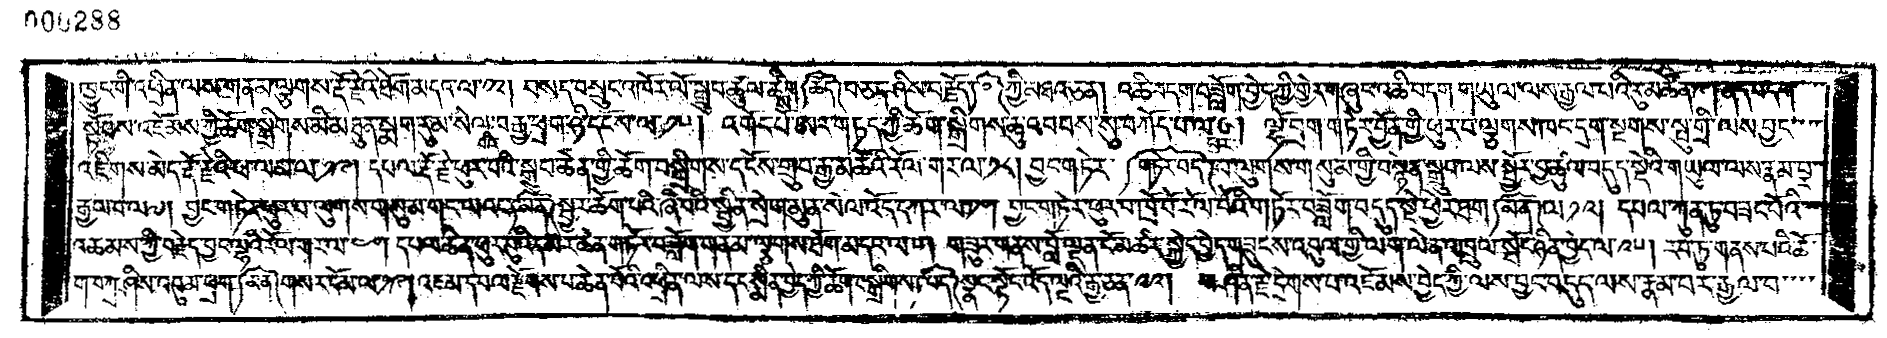ཁྱུང་གི་འཕྲིན་ལས་གནམ་ལྕགས་རྡོ་རྗེའི་ཐོག་མདའ་ལ ༣། བསད་བསྲུང་འཁོར་ལོ་སྒྲུབ་ཚུལ་ཚིགས ༼ཆོད༽ བཅད་ཤིས་བརྗོད ༼྾༽ ཀྱི་མཐའ་ཅན། འཆི་བདག་བཟློག་བྱེད་ཀྱི་གྱེར་གཞུང་འཆི་བདག་གཡུལ་ལས་རྒྱལ་པའི་རུ་མཚོན ༩། ནད་བདག་
སྟོབས་འཇོམས་ཀྱི་ཆོག་སྒྲིགས་མི་མཐུན་སྨག་རུམ་སེལ་བའི་བརྒྱ་ཕྲག་ཉི་དངོས་ལ ༡༥། འགོང་པོ་ཨར་གཏད་ཀྱི་ཆོག་སྒྲིགས་ཆུ་འབབས་སུ་བཀོད་པ་ལ ༦། ལྷོ་བྲག་གཏེར་བྱོན་གྱི་ཕུར་བ་ལྕགས་ཁང་དྲག་སྔགས་སྤུ་གྲི་ལས་བྱང་
འཇིགས་མེད་རྡོ་རྗེའི་ཕ་ལམ་ལ ༡༩། དཔལ་རྡོ་རྗེ་ཕུར་བའི་སྒྲུབ་ཆེན་གྱི་ཆོག་བསྒྲིགས་དངོས་གྲུབ་རྒྱ་མཚོའི་རོལ་གར་ལ ༡༨། བྱང་གཏེར ༼གཏེར་བད༽ བ་ལུགས་གསུམ་གྱི་བསྙེན་སྒྲུབ་ལས་སྦྱོར་བྱ་ཚུལ་བདུད་སྡེའི་གཡུལ་ལས་རྣམ་པར་
རྒྱལ་བ་ལ ༧། བྱང་གཏེར་ཕུར་བ་ལུགས་གསུམ་གང་ལའང ༼མན༽ སྦྱར་ཆོག་པའི་ཞི་བའི་སྦྱིན་སྲེག་མུན་སེལ་འོད་དཀར་ལ ༡༠། བྱང་གཏེར་ཕུར་བ་ཁྲོ་བོ་རོལ་པོའི་གཏོར་བཟློག་བདུད་སྡེ་ཕྱེར་ཐག ༼མན༽ ལ ༡༢། དཔལ་ཀུན་ཏུ་བཟང་པོའི་
འཆམས་ཀྱི་བརྗེད་བྱང་ལྷའི་རོལ་གར་ལ ༤༠། དཔལ་ཆེན་ཕུར་བུའི་དམར་ཆེན་གཏོར་བཟློག་གནམ་ལྕགས་ཐོག་མདའ་ལ ༥། གཟུར་གནས་བློ་ལྡན་ངོ་མཚར་སྐྱེད་བྱེད་གཟུངས་འབུལ་གྱི་ལག་ལེན་འཁྲུལ་སྤོང་ཉིན་བྱེད་ལ ༢༥། རབ་ཏུ་གནས་པའི་ཆོ་
ག་བཀྲ་ཤིས་འབུམ་ཕྲག ༼མན༽ གསར་ངོམ་ལ ༡༩། འཇམ་དཔལ་རྫོགས་པ་ཆེན་པོའི་འཕྲིན་ལས་དང་སྨིན་བྱེད་ཀྱི་ཆོག་བསྒྲིགས ༼པད༽ སྣང་སྟོང་འོད་ལྔའི་རྒྱ་ཅན ༢༢། གཤིན་རྗེ་དྲེགས་པ་འཇོམས་བྱེད་ཀྱི་ལས་བྱང་བདུད་ལས་རྣམ་པར་རྒྱལ་བ་